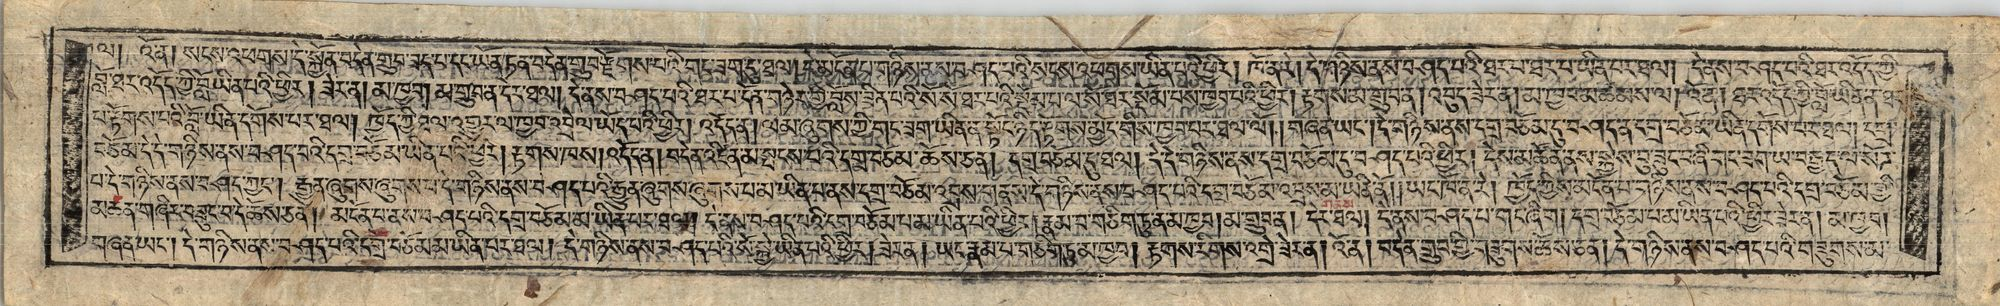ལ། འོ་ན། སངས་འཕགས་དེ་སྐྱོན་བདེན་གྲུབ་ཟད་པ་དང་ཡོན་ཏན་བདེན་གྲུབ་རྫོགས་པའི་གང་ཟག་དུ་ཐལ། དེ་མངོན་པ་གཉིས་ནས་བཤད་པའི་སངས་འཕགས་ཡིན་པའི་ཕྱིར། ཁོ་ན་རེ། དེ་གཉིས་ནས་བཤད་པའི་ཐར་པ་ཐར་པ་ཡིན་པར་ཐལ། དེ་ནས་བཤད་པའི་ཐར་འདོད་ཀྱི་
བློ་ཐར་འདོད་ཀྱི་བློ་ཡིན་པའི་ཕྱིར། ཟེར་ན། མ་ཁྱབ། མ་གྲུབ་ན་དེར་ཐལ། དེ་ནས་བཤད་པའི་ཐར་པ་དོན་གཉེར་གྱི་བློས་ཟིན་པའི་སོ་སོ་ཐར་པའི་སྡོམ་པ་ལ་སོ་ཐར་སྡོམ་པས་ཁྱབ་པའི་ཕྱིར། རྟགས་མ་གྲུབ་ན། འབུད་ཟེར་ན། མ་ཁྱབ་མཚམས་ལ། འོ་ན། ཐར་འདོད་ཀྱི་བློ་ཡིན་ན་ཐར་
པ་རྟོགས་པའི་བློ་ཡིན་དགོས་པར་ཐལ། ཁྱོད་ཀྱི་ཐལ་འགྱུར་ལ་ཁྱབ་འབྲེལ་ཡོད་པའི་ཕྱིར། འདོད་ན། ལམ་ཞུགས་ཀྱི་གང་ཟག་ཡིན་ན་སྟོང་ཉིད་རྟོགས་མྱོང་གིས་ཁྱབ་པར་ཐལ་ལོ། །གཞན་ཡང་། དེ་གཉིས་ནས་དགྲ་བཅོམ་དུ་བཤད་ན་དགྲ་བཅོམ་ཡིན་དགོས་པར་ཐལ། དགྲ་
བཅོམ་དེ་དེ་གཉིས་ནས་བཤད་པའི་དགྲ་བཅོམ་ཡིན་པའི་ཕྱིར། རྟགས་ཁས། འདོད་ན། བདེན་འཛིན་མ་སྤངས་པའི་དགྲ་བཅོམ་ཆོས་ཅན། དགྲ་བཅོམ་དུ་ཐལ། དེ་དེ་གཉིས་ནས་དགྲ་བཅོམ་དུ་བཤད་པའི་ཕྱིར། དེས་མཚོན་ནས་སྐྱེས་བུ་ཟུང་བཞི་གང་ཟག་ཡ་བརྒྱད་ལ་སོཌ་
པ་དེ་གཉིས་ནས་བཤད་ཀྱང་། རྒྱུན་ཞུགས་ཞུགས་པ་དེ་གཉིས་ནས་བཤད་པའི་རྒྱུན་ཞུགས་ཞུགས་པ་མ་ཡིན་པ་ནས་དགྲ་བཅོམ་འབྲས་གནས་དེ་གཉིས་ནས་བཤད་པའི་དགྲ་བཅོམ་འབྲས་གནས་མ་ཡིན་ནོ། །ཡང་ཁོ་ན་རེ། ཁྱོད་ཀྱིས་མངོན་པ་གཉིས་ནས་བཤད་པའི་དགྲ་བཅོམ་གྱི་
མཚན་གཞིར་བཟུང་བ་དེ་ཆོས་ཅན། མངོན་པ་ནས་བཤད་པའི་དགྲ་བཅོམ་མ་ཡིན་པར་ཐལ། དེ་ནས་བཤད་པའི་དགྲ་བཅོམ་པ་མ་ཡིན་པའི་ཕྱིར། རྣམ་པ་གཅིག་ཏུ་ན་མ་ཁྱབ། མ་གྲུབ་ན། དེར་ཐལ། དེ་ནས་བཤད་པ་གང་ཞིག ། དགྲ་བཅོམ་པ་མ་ཡིན་པའི་ཕྱིར་ཟེར་ན། མ་ཁྱབ།
གཞན་ཡང་། དེ་གཉིས་ནས་བཤད་པའི་དགྲ་བཅོམ་མ་ཡིན་པར་ཐལ། དེ་གཉིས་ནས་བཤད་པའི་སོ་སྐྱེ་ཡིན་པའི་ཕྱིར། ཟེར་ན། ཡང་རྣམ་པ་གཅིག་ཏུ་མ་ཁྱབ། རྟགས་རིགས་འགྲེ་ཟེར་ན། འོ་ན། བདེན་གྲུབ་གྱི་གཟུགས་ཆོས་ཅན། དེ་གཉིས་ནས་བཤད་པའི་གཟུགས་མ་